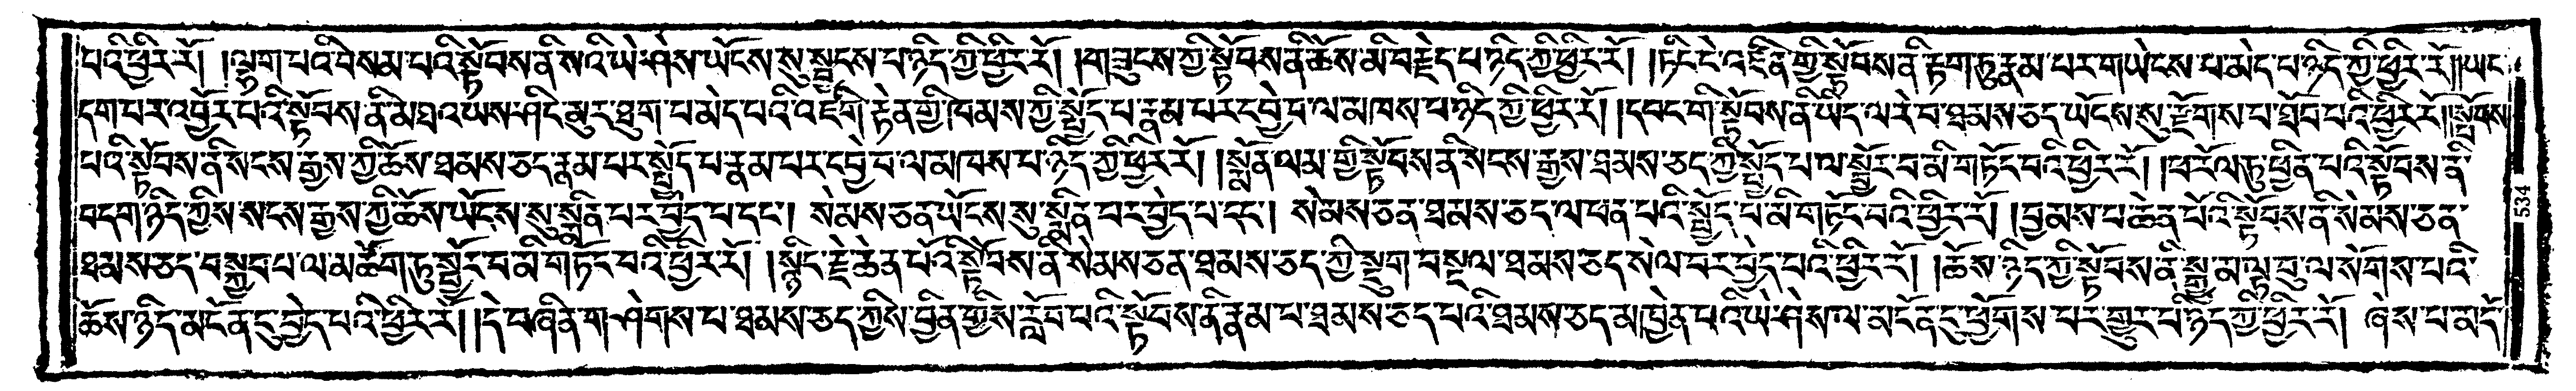པའི་ཕྱིར་རོ། །ལྟག་པའི་བསམ་པའི་སྟོབས་ནི་སའི་ཡེ་ཤེས་ཡོངས་སུ་སྦྱངས་པ་ཉིད་ཀྱི་ཕྱིར་རོ། །གཟུངས་ཀྱི་སྟོབས་ནི་ཆོས་མི་བརྗེད་པ་ཉིད་གྱི་ཕྱིར་རོ། །ཏིང་ངེ་འཛིན་གྱི་སྟོབས་ནི་རྟག་ཏུ་རྣམ་པར་གཡེངས་པ་མེད་པ་ཉིད་ཀྱི་ཕྱིར་རོ། །ཡང་
དག་པར་འབྱོར་བའི་སྟོབས་ནི་མཐའ་ཡས་ཤིང་མུར་ཐུག་པ་མེད་པའི་འཇིག་རྟེན་གྱི་ཁམས་ཀྱི་སྤྱོད་པ་རྣམ་པར་དབྱེ་བ་ལ་མཁས་པ་ཉིད་ཀྱི་ཕྱིར་རོ། །དབང་གི་སྟོབས་ནི་ཡིད་ལ་རེ་བ་ཐམས་ཅད་ཡོངས་སུ་རྫོགས་པ་ཐོབ་པའི་ཕྱིར་རོ། །སྤོབས་
པའི་སྟོབས་ནི་སངས་རྒྱས་ཀྱི་ཆོས་ཐམས་ཅད་རྣམ་པར་སྤྱོད་པ་རྣམ་པར་དབྱེ་བ་ལ་མཁས་པ་ཉིད་ཀྱི་ཕྱིར་རོ། །སྨོན་ལམ་གྱི་སྟོབས་ནི་སངས་རྒྱས་ཐམས་ཅད་ཀྱི་སྤྱོད་པ་ལ་སྦྱོར་བ་མི་གཏོང་བའི་ཕྱིར་རོ། །ཕ་རོལ་ཏུ་ཕྱིན་པའི་སྟོབས་ནི་
བདག་ཉིད་ཀྱིས་སངས་རྒྱས་ཀྱི་ཆོས་ཡོངས་སུ་སྨིན་པར་བྱེད་པ་དང་། སེམས་ཅན་ཡོངས་སུ་སྨིན་པར་བྱེད་པ་དང་། སེམས་ཅན་ཐམས་ཅད་ལ་ཕན་པའི་སྤྱོད་པ་མི་གཏོང་བའི་ཕྱིར་རོ། །བྱམས་པ་ཆེན་པོའི་སྟོབས་ནི་སེམས་ཅན་
ཐམས་ཅད་བསྐྱབ་པ་ལ་མཆོག་ཏུ་སྦྱོར་བ་མི་གཏོང་བའི་ཕྱིར་རོ། །སྙིང་རྗེ་ཆེན་པོའི་སྟོབས་ནི་སེམས་ཅན་ཐམས་ཅད་ཀྱི་སྡུག་བསྔལ་ཐམས་ཅད་སེལ་བར་བྱེད་པའི་ཕྱིར་རོ། །ཆོས་ཉིད་ཀྱི་སྟོབས་ནི་སྒྱུ་མ་ལྟ་བུ་ལ་སོགས་པའི་
ཆོས་ཉིད་མངོན་དུ་བྱེད་པའི་ཕྱིར་རོ། །དེ་བཞིན་གཤེགས་པ་ཐམས་ཅད་ཀྱིས་བྱིན་གྱིས་རློབ་པའི་སྟོབས་ནི་རྣམ་པ་ཐམས་ཅད་པའི་ཐམས་ཅད་མཁྱེན་པའི་ཡེ་ཤེས་ལ་མངོན་དུ་ཕྱོགས་པར་གྱུར་པ་ཉིད་ཀྱི་ཕྱིར་རོ། ཞེས་པ་མདོ་